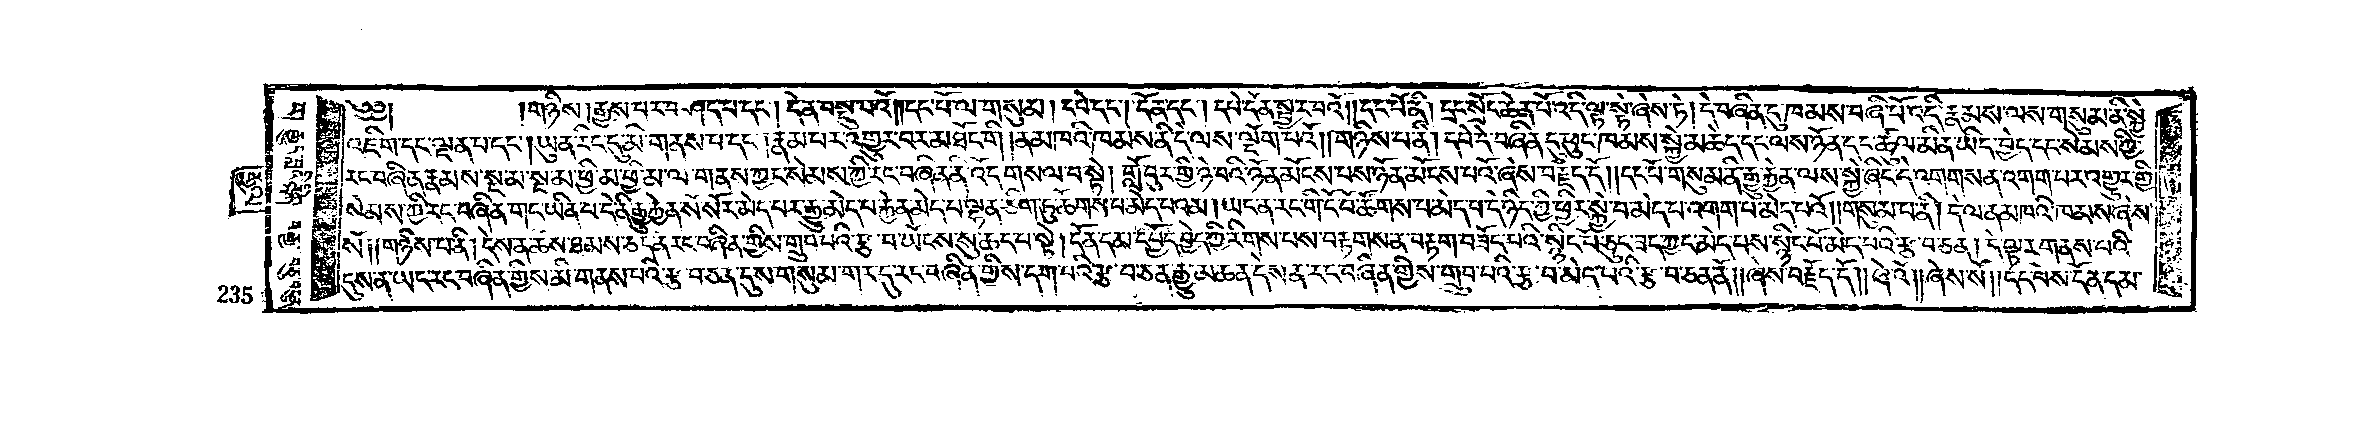༄༅། །གཉིས༑ རྒྱས་པར་བཤད་པ་དང་། དོན་བསྡུ་བའོ། །དང་པོ་ལ་གསུམ། དཔེ་དང་། དོན་དང་། དཔེ་དོན་སྦྱར་བའོ། །དང་པོ་ནི། དྲང་སྲོང་ཆེན་པོ་འདི་ལྟ་སྟེ་ཞེས་ཏེ། དེ་བཞིན་དུ་ཁམས་བཞི་པོ་འདི་རྣམས་ལས་གསུམ་ནི་སྐྱེ་
འཇིག་དང་ལྡན་པ་དང་། ཡུན་རིང་དུ་མི་གནས་པ་དང་། རྣམ་པར་འགྱུར་བར་མཐོང་གི །ནམ་མཁའི་ཁམས་ནི་དེ་ལས་ལྡོག་པའོ། །གཉིས་པ་ནི། དཔེ་དེ་བཞིན་དུ་ཕུང་ཁམས་སྐྱེ་མཆེད་དང་ལས་ཉོན་དང་ཚུལ་མིན་ཡིད་བྱེད་དང་སེམས་ཀྱི་
རང་བཞིན་རྣམས་སྔ་མ་སྔ་མ་ཕྱི་མ་ཕྱི་མ་ལ་གནས་ཀྱང་སེམས་ཀྱི་རང་བཞིན་ནི་འོད་གསལ་བ་སྟེ། གློ་བུར་གྱི་ཉེ་བའི་ཉོན་མོངས་པས་ཉོན་མོངས་པའོ་ཞེས་བརྗོད་དོ། །དང་པོ་གསུམ་ནི་རྒྱུ་རྐྱེན་ལས་སྐྱེ་ཞིང་དེ་འགགས་ན་འགག་པར་འགྱུར་གྱི་
སེམས་ཀྱི་རང་བཞིན་གང་ཡིན་པ་དེ་ནི་རྒྱུ་རྐྱེན་སོ་སོར་མེད་པར་རྒྱུ་མེད་པ་རྐྱེན་མེད་པ་ལྷན་ཅིག་ཏུ་ཆོགས་པ་མེད་པའམ། ཡང་ན་རང་གི་ངོ་བོ་ཚོགས་པ་མེད་པ་དེ་ཉིད་ཀྱི་ཕྱིར་སྐྱེ་བ་མེད་པ་འགག་པ་མེད་པའོ། །གསུམ་པ་ནི། དེ་ལ་ནམ་མཁའི་ཁམས་ཞེས་
སོ༑ ༑གཉིས་པ་ནི། དེས་ན་ཆོས་ཐམས་ཅད་ནི་རང་བཞིན་གྱིས་གྲུབ་པའི་རྩ་བ་ཡོངས་སུ་ཆད་པ་སྟེ། དོན་དམ་དཔྱོད་བྱེད་ཀྱི་རིགས་པས་བརྟགས་ན་བརྟག་བཟོད་པའི་སྙིང་པོ་ཅུང་ཟད་ཀྱང་མེད་པས་སྙིང་པོ་མེད་པའི་རྩ་བ་ཅན། དེ་ལྟར་གནས་པའི་
དུས་ན་ཡང་རང་བཞིན་གྱིས་མི་གནས་པའི་རྩ་བ་ཅན་དུས་གསུམ་གར་དུ་རང་བཞིན་གྱིས་དག་པའི་རྩ་བ་ཅན་རྒྱུ་མཚན་དེས་ན་རང་བཞིན་གྱིས་གྲུབ་པའི་རྩ་བ་མེད་པའི་རྩ་བ་ཅན་ནོ། །ཞེས་བརྗོད་དོ། །ཞེས་སོ། །དང་པོས་དོན་དམ་